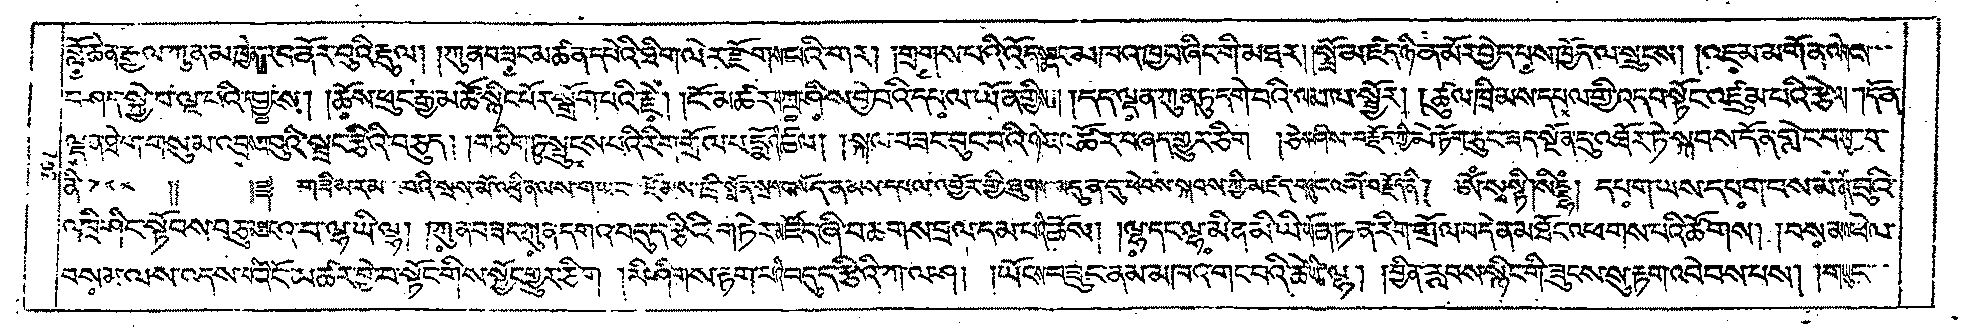བློ྾་ཆེན་རྒྱལ་ཀུན་མཁྱེན་རབ་ནོར་བུའི་རྡུལ། །ཀུན་བཟང྾་མཚན་དཔེའི་ཐིག་ལེར་རྫོགས་པའི་གར། །གྲགས྾་པའི་འོད་སྣང་མཁའ་ཁྱབ་ཞིང་གི་མཐར། །སྤྲོ་མཛད་ཉིན་མོར་བྱེད་པས྾་ཁྱོད་ལ་སྲུངས། །འཇམ྾་མགོན་ལེགས་
བཤད་སྐྱེ་བ་ལྔ་པའི་དབྱངས྾། །ཆོས྾་ཕུང་རྒྱ་མཚོ་སྙིང་པོར་སྒྲོག་པའི་རྗེ྾། །ངོ་མཚར་བཀྲ྾་ཤིས྾་བྱེ་བའི་དཔལ་ཡོན་གྱིས། །དད་ལྡན྾་ཀུན་ཏུ་དགེ་བའི་ལམ་ལ་སྦྱོར། །ཚུལ་ཁྲིམས་དཔལ་྾་གྱི་འདབ་སྟོང་འཛུམ་པའི་རྩེར། །དོན་
ལྡན་྾་ཐེག་གསུམ་འབྲས་྾་བུའི་སྦྲང་རྩིའི་བཅུད། །གཅིག་ཏུ་སྤུངས་྾་པའི་རིག་གྲོལ་པདམོའི་ཚལ། །སྐལ་བཟང་བུང་བའི་ཉེར་འཚོར་བཞད་གྱུར་ཅིག །ཅེས་ཤིས་བརྗོད་ཀྱི་མེ་ཏོག་ཅུང་ཟད་སྔོན་དུ་འཐོར་ཏེ་སྐབས་དོན་གླེང་བར་བྱ་བ་
ནི་྾་྾་྾་།། །། ༈ གཟིམ་རམ་པ་བའི་སྲས་མོ་འཕྲིན་ལས་གཡང་འཛོམས་ཁྲི་སྨོན་སྲས་བསོད་ནམས་དཔལ་འབྱོར་གྱི་ཐུགས་མདུན་དུ་ཕེབས་སྐབས་ཀྱི་མཛད་གཞུང་འགོ་བརྗོད་ནི། ཨོཾ་སྭ་སྟི། སིདྡྷཾ། དཔག྾་ཡས་དཔག྾་བསམ་ནོར་བུའི་
འཁྲི་ཤིང་སྟོབས་བཅུ་མངའ་བ་ལྷ་ཡི་ལྷ། །ཀུན྾་བཟང་ཀུན྾་དགའ་བདུད་རྩིའི་གཏེར་མཛོད་ཞི་བ་ཆགས་བྲལ་དམ་པའི་ཆོས། །ལྷ྾་དང་ལྷ྾་མིན་མི་ཡི་ཡོན་ཏན་རིག་གྲོལ་བདེན་མཐོང་འཕགས་པའི་ཚོགས། །བསམ྾་འཕེལ་
བསམ྾་ལས་འདས་པའི་ངོ་མཚར་བྱེ་བ་སྟོང་གིས་སྐྱོང་གྱུར་ཅིག །མི་ཤིགས་རྟག་པའི་བདུད་རྩིའི་ཀ་ལ་ཤ། །ཡོངས་བཟུང་ནམ་མཁའ་གང་བའི་ཚེ་ཡི་ལྷ། །བྱིན་རླབས་སྙིང་གི་ཟུངས་སུ་རྟག་འབེབས་པས། །གཡུང་